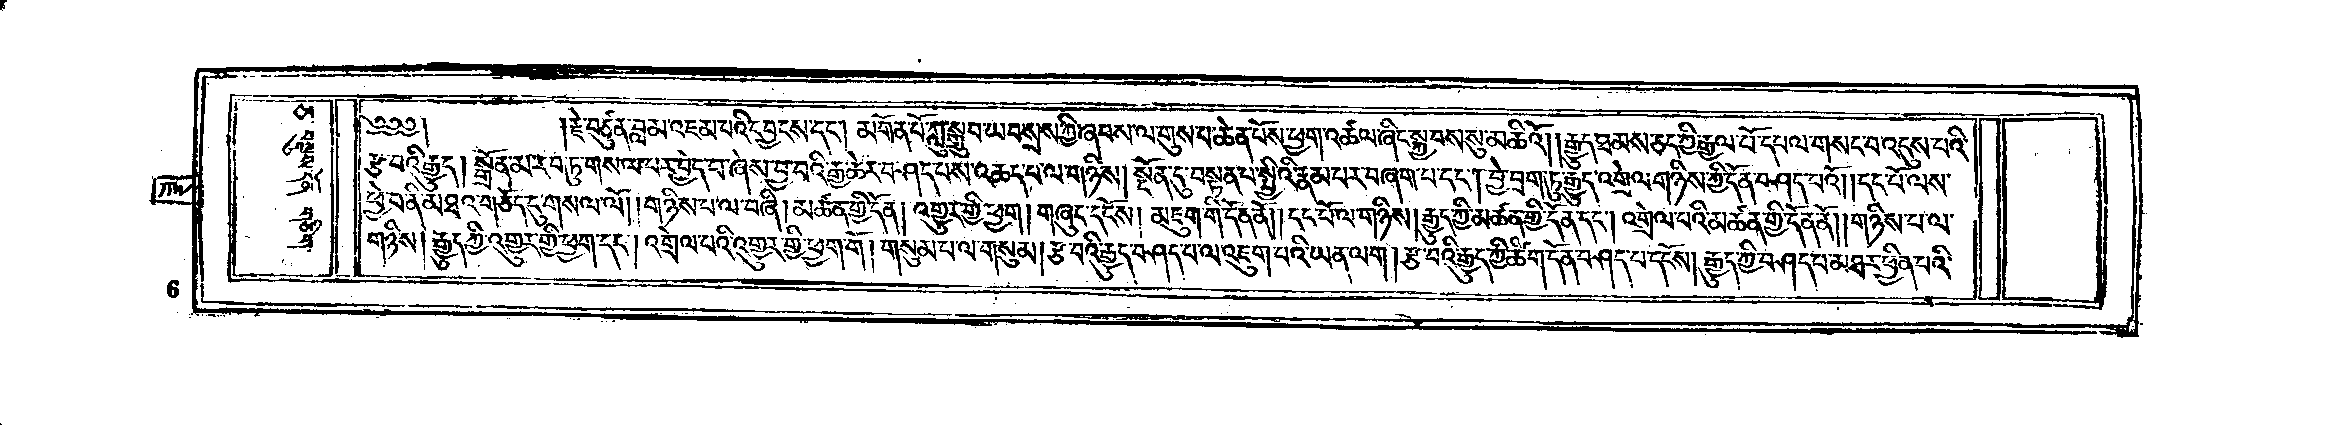༄༅༅།།རྗེ་བཙུན་བླ་མ་འཇམ་པའི་དབྱངས་དང་། མགོན་པོ་ཀླུ་སྒྲུབ་ཡབ་སྲས་ཀྱི་ཞབས་ལ་གུས་པ་ཆེན་པོས་ཕྱག་འཚལ་ཞིང་སྐྱབས་སུ་མཆིའོ། །རྒྱུད་ཐམས་ཅད་ཀྱི་རྒྱལ་པོ་དཔལ་གསང་བ་འདུས་པའི་
རྩ་བའི་རྒྱུད། སྒྲོན་མ་རབ་ཏུ་གསལ་བར་བྱེད་པ་ཞེས་བྱ་བའི་རྒྱ་ཆེར་བཤད་པས་འཆད་པ་ལ་གཉིས། སྔོན་དུ་བསྟན་པ་སྤྱིའི་རྣམ་པར་བཞག་པ་དང་། བྱེ་བྲག་ཏུ་རྒྱུད་འགྲེལ་གཉིས་ཀྱི་དོན་བཤད་པའོ། །དང་པོ་ལས་
ཕྱེ་བ་ནི་མཐའ་གཅོད་དུ་གསལ་ལོ། །གཉིས་པ་ལ་བཞི། མཚན་གྱི་དོན། འགྱུར་གྱི་ཕྱག །གཞུང་དངོས། མཇུག་གི་དོན་ནོ། །དང་པོ་ལ་གཉིས། རྒྱུད་ཀྱི་མཚན་གྱི་དོན་དང་། འགྲེལ་པའི་མཚན་གྱི་དོན་ནོ། །གཉིས་པ་ལ་
གཉིས། རྒྱུད་ཀྱི་འགྱུར་གྱི་ཕྱག་དང་། འགྲེལ་པའི་འགྱུར་གྱི་ཕྱག་གོ །གསུམ་པ་ལ་གསུམ། རྩ་བའི་རྒྱུད་བཤད་པ་ལ་འཇུག་པའི་ཡན་ལག །རྩ་བའི་རྒྱུད་ཀྱི་ཚིག་དོན་བཤད་པ་དངོས། རྒྱུད་ཀྱི་བཤད་པ་མཐར་ཕྱིན་པའི་